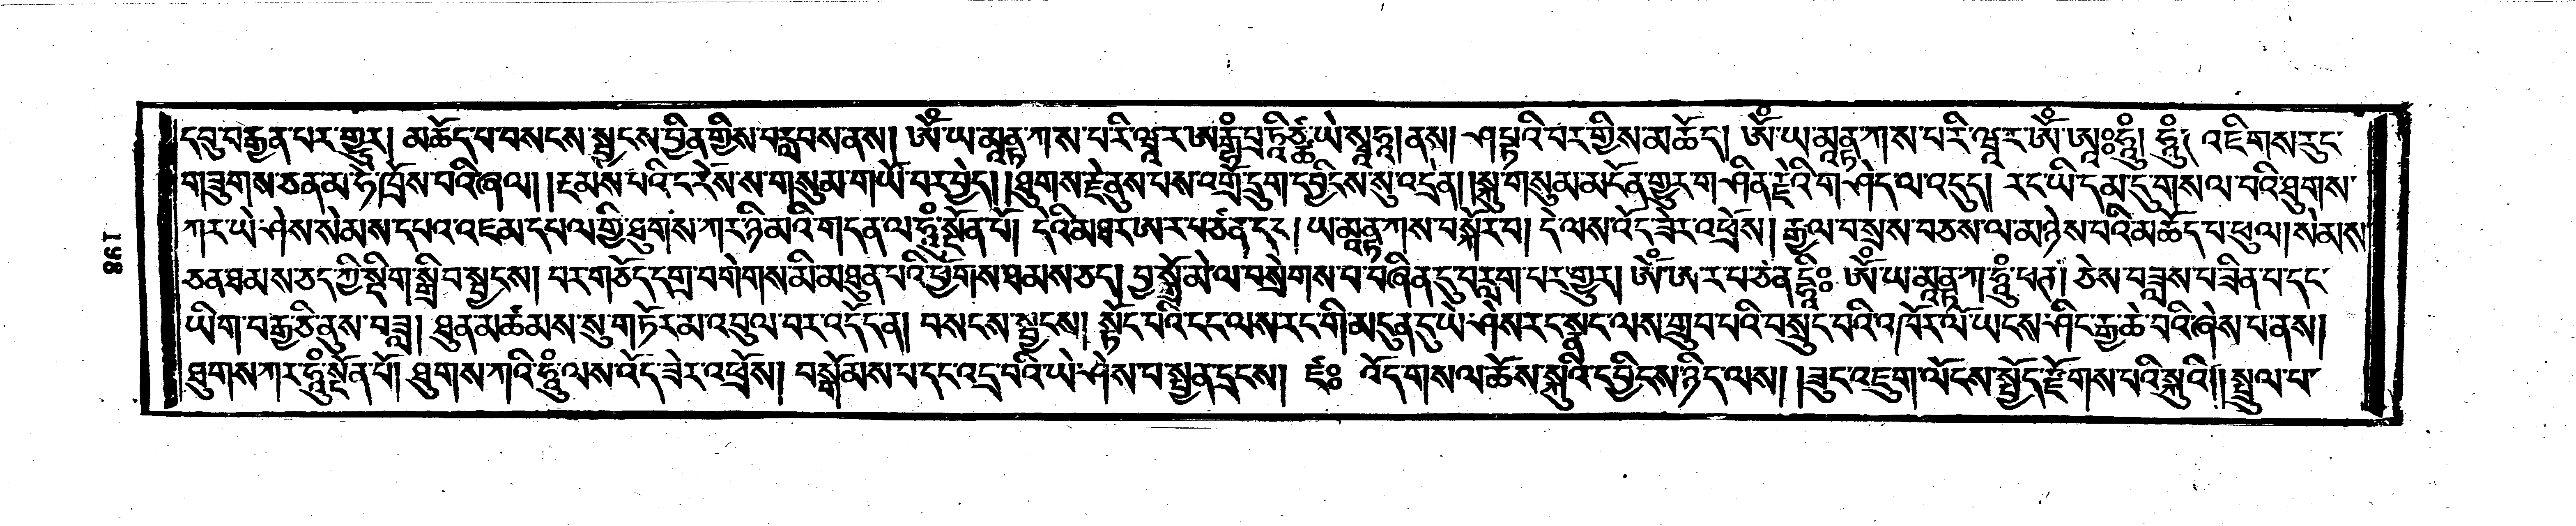དབུ་བརྒྱན་པར་གྱུར། མཆོད་པ་བསངས་སྦྱངས་བྱིན་གྱིས་བརླབས་ནས། ཨོཾ་ཡ་མཱནྟ་ཀ་ས་པ་རི་ཝཱ་ར་ཨརྒྷཾ་པྲ་ཏཱི་ཙྪ་ཡེ་སྭཱཧཱ། ནས། ཤཔྟའི་བར་གྱིས་མཆོད། ཨོཾ་ཡ་མཱནྟ་ཀ་ས་པ་རི་ཝཱ་ར་ཨོཾ་ཨཱཿ ཧཱུཾ། ཧཱུཾ། འཇིགས་རུང་
གཟུགས་ཅན་མ་ཧེ་ཁྲོས་པའི་ཞལ། །རྔམས་པའི་ང་རོས་ས་གསུམ་གཡོ་བར་བྱེད། །ཐུགས་རྗེ་ནུས་པས་འགྲོ་དྲུག་དབྱིངས་སུ་འདྲེན། །སྐུ་གསུམ་མངོན་གྱུར་གཤིན་རྗེའི་གཤེད་ལ་འདུད། རང་ཡི་དམ་དུ་གསལ་བའི་ཐུགས་
ཀར་ཡེ་ཤེས་སེམས་དཔའ་འཇམ་དཔལ་གྱི་ཐུགས་ཀར་ཉི་མའི་གདན་ལ་ཧཱུཾ་སྔོན་པོ། དེའི་མཐར་ཨ་ར་པ་ཙ་ན་དང་། ཡ་མཱནྟ་ཀས་བསྐོར་བ། དེ་ལས་འོད་ཟེར་འཕྲོས། རྒྱལ་བ་སྲས་བཅས་ལ་མཉེས་པའི་མཆོད་པ་ཕུལ། སེམས་
ཅན་ཐམས་ཅད་ཀྱི་སྡིག་སྒྲིབ་སྦྱངས། བར་གཅོད་དགྲ་བགེགས་མི་མཐུན་པའི་ཕྱོགས་ཐམས་ཅད། བྱ་སྒྲོ་མེ་ལ་བསྲེགས་པ་བཞིན་དུ་བརླག་པར་གྱུར། ཨོཾ་ཨ་ར་པ་ཙ་ན་དྷཱིཿ ཨོཾ་ཡ་མཱནྟ་ཀ་ཧཱུཾ་ཕཊ། ཅེས་བཟླས་པ་ཟིན་པ་དང་
ཡིག་བརྒྱ་ཅི་ནུས་བཟླ། ཐུན་མཚམས་སུ་གཏོར་མ་འབུལ་བར་འདོད་ན། བསངས་སྦྱངས། སྟོང་པའི་ངང་ལས་རང་གི་མདུན་དུ་ཡེ་ཤེས་རང་སྣང་ལས་གྲུབ་པའི་བསྲུང་བའི་འཁོར་ལོ་ཡངས་ཤིང་རྒྱ་ཆེ་བའི་ཞེས་པ་ནས།
ཐུགས་ཀར་ཧཱུཾ་སྔོན་པོ། ཐུགས་ཀའི་ཧཱུཾ་ལས་འོད་ཟེར་འཕྲོས། བསྒོམས་པ་དང་འདྲ་བའི་ཡེ་ཤེས་པ་སྤྱན་དྲངས། ཛཿ འོད་གསལ་ཆོས་སྐུའི་དབྱིངས་ཉིད་ལས། །ཟུང་འཇུག་ལོངས་སྤྱོད་རྫོགས་པའི་སྐུའི། །སྤྲུལ་པ་